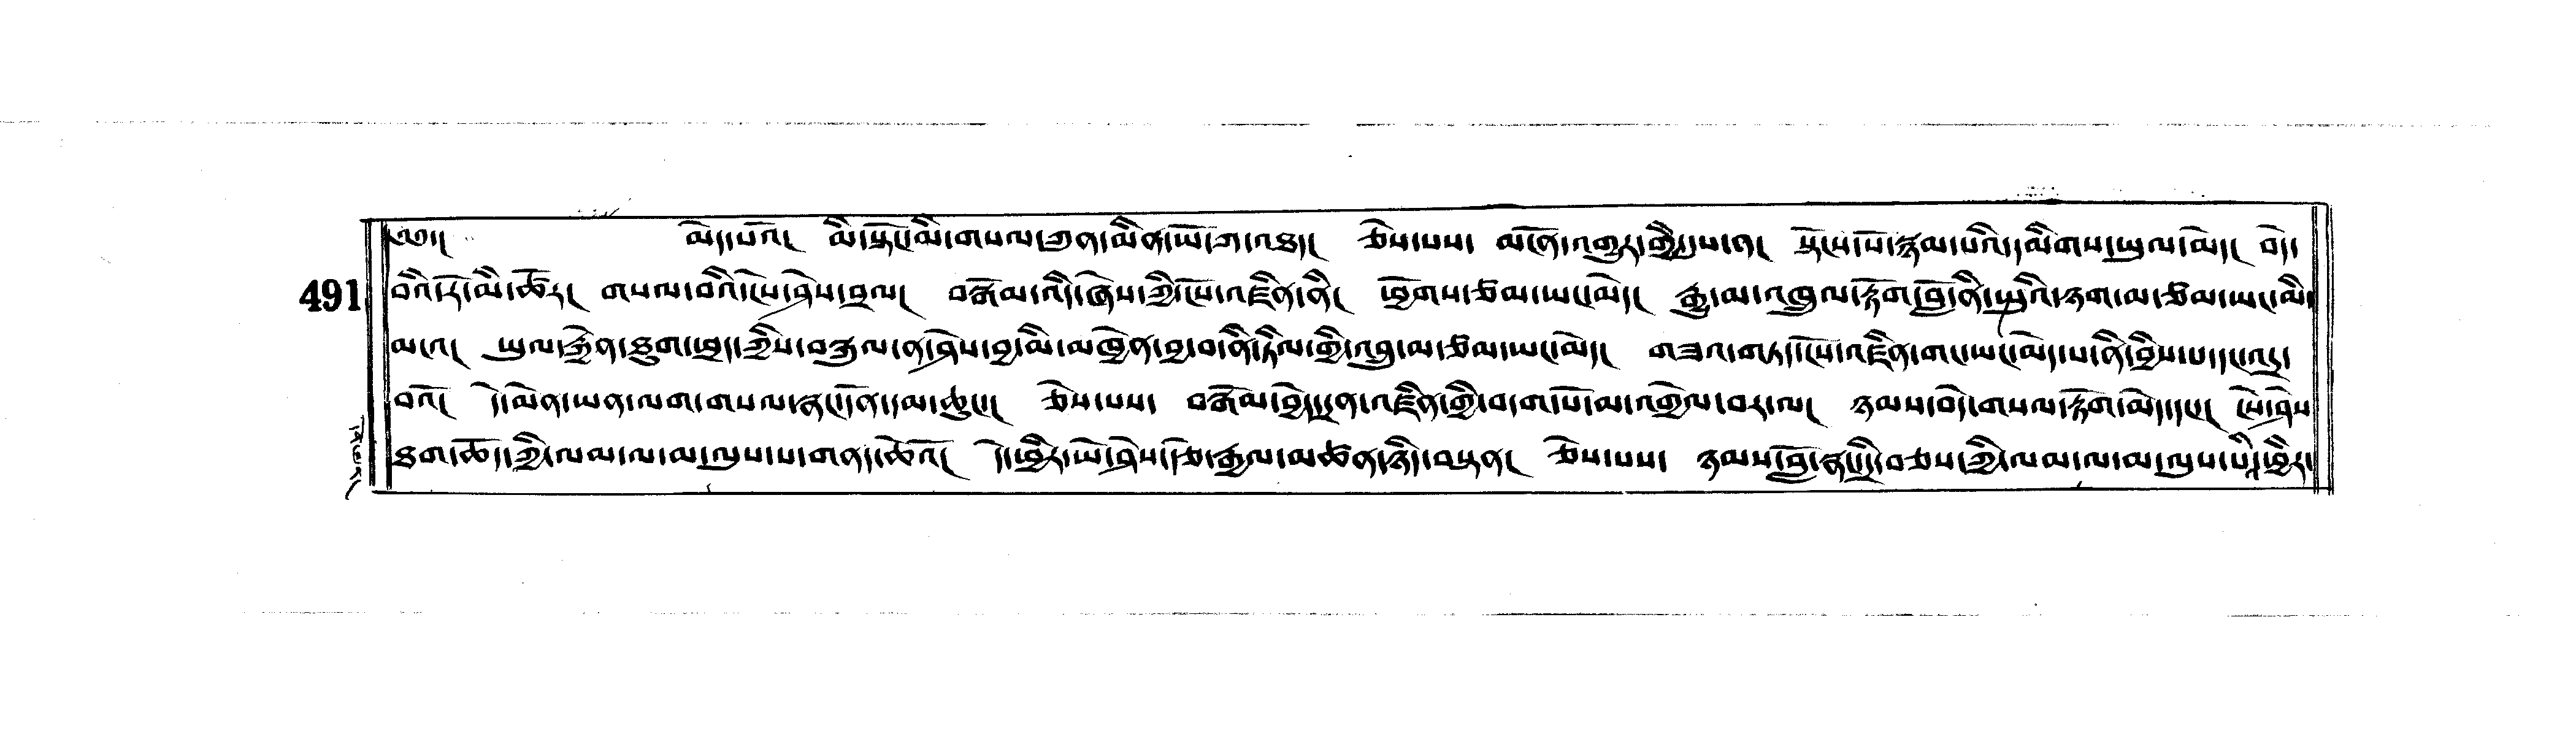མེད་པའོ། མི་སྟོང་མི་གསལ་ཀུན་མིན་ཡོ་ཀ་འཐད། ཅེས་པས། མངོན་གྱུར་གྱི་དུས་ན། སྟོངས་སོ་སྙམ་པའི་དམིགས་ཡུལ་མེད། བདེ་
བའི་རོ་མི་ཚོར། གསལ་བའི་ངེས་ཤེས་བྲལ། བསྒོམ་འདི་ཞེས་ཀྱི་ངོས་འཛིན་ནི། ཕྱོགས་ཙམ་ཡང་མེད། རྒྱུ་མ་འཁྲུལ་རྟོག་བློ་ནི་སྤུ་ཡི་ཉག་མ་ཙམ་ཡང་མི་
མངའ། ཡུལ་རྐྱེན་ཐུག་འཕྲད་ཀྱིས་བསྐུལ་ན་ཤེས་བྱ་མི་མཁྱེན་བྱ་བ་ནི་ཏིལ་གྱི་འབྲུ་མ་ཙམ་ཡང་མེད། གཟའ་གཏད་ངོས་འཛིན་གང་ཡང་མེད་པ་ནི་བྱིས་པ་དང་འདྲ་
བའོ། དེ་མེན་ཡན་ལག་གསལ་སྣང་དོན་དམ་ཆུང་། ཅེས་པས། སྒོམ་བྱེད་དྲན་འཛིན་གྱི་བདག་པོ་མ་འགྱེལ་བར་ལ། ཉམས་བདེ་གསལ་རྟོག་མེད་དང་། ངེས་ཤེས་
ཐག་ཆོད་ཀྱི་ལམ་ལ་མ་ལུས་པ་ལ་གནད་ཆེའོ། དེ་ཕྱིར་ཡེ་ཤེས་རྩེ་རྒྱལ་མཚན་ཉིད་བསྟན། ཅེས་པས། ཉམས་བློ་སྣང་དྲི་བཅས་ཀྱི་ལམ་ལ་མ་ལུས་པའི་ཕྱིར་